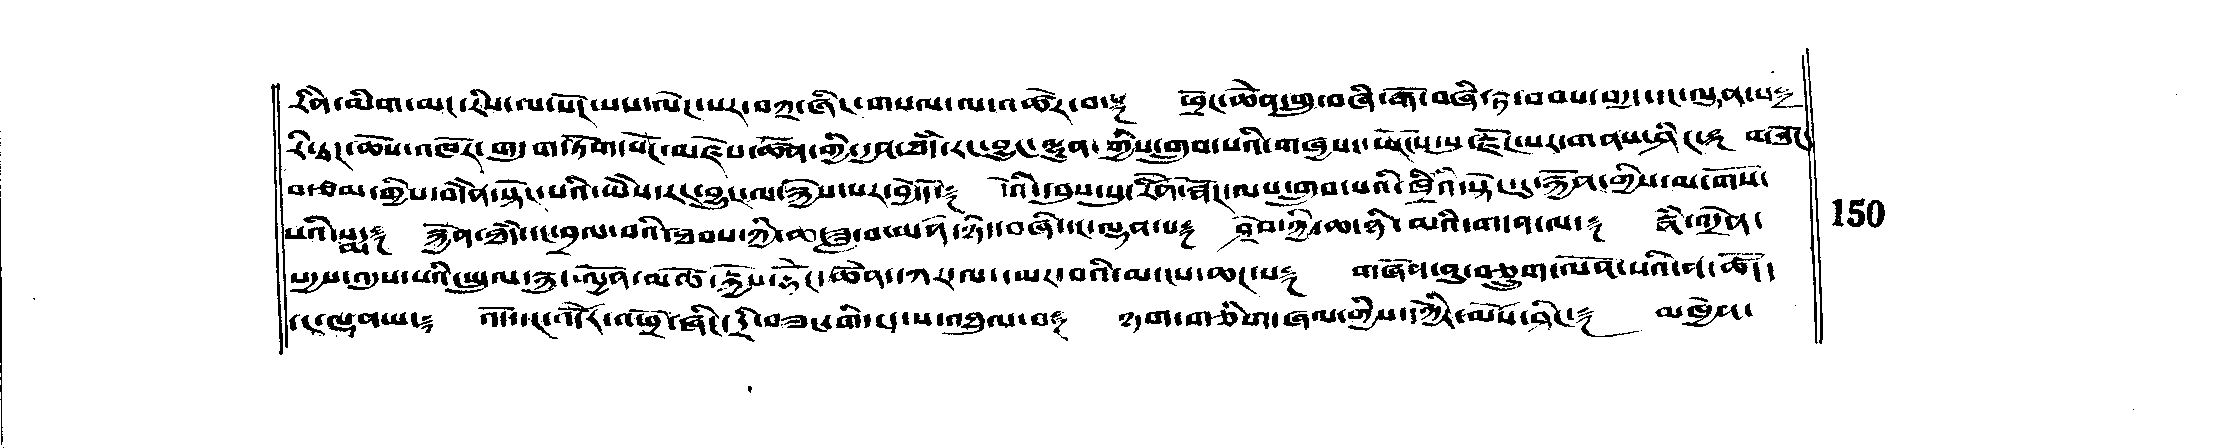རིན་ཆེན་མིག་མང་རིས་ལ་སོགས་པས་ལེགས་པར་བཀྲ་ཞིང་གསལ་ལ་འཚེར་བ། ཕོ་བྲང་ཆེན་པོའི་གྲུ་བཞི་རྟ་བབས་བརྒྱད་དང་ལྡན་པ། 
རི་དྭགས་ཆོས་འཁོར་གདུགས་ཏོག་སོགས་མཛེས་ཚོན་གྱི་རྒྱན་ཐམས་ཅད་རང་བྱུང་ལྷུན་གྱིས་གྲུབ་པའི་གཞལ་ཡས་ཁང་ཡོངས་སུ་རྫོགས་པར་གནས་ཤིང་། མཐོང་
བ་ཙམ་གྱིས་བདེ་ཆེན་སྟོང་པའི་ཡེ་ཤེས་རང་བྱུང་ལ་སྐྱེས་པར་བྱེད་དོ། དེའི་དབུས་སུ་རིན་པོ་ཆེ་སྣ་ཚོགས་ལས་གྲུབ་པའི་ཁྲིའི་སྟེང་དུ་སྐྱོན་གྱིས་མ་གོས་
པའི་པདྨ། སྐྱོན་ཐམས་ཅད་དང་བྲལ་བའི་ཐབས་ཀྱི་ཆ་ཟླ་བ་མཚན་ཉིད་བཞི་དང་ལྡན་པ། ཤེས་རབ་ཀྱི་ཆ་ཉི་མའི་གདན་ལ། རྣམ་འདྲེན་
སངས་རྒྱས་འདུས་པའི་སྤྲུལ་སྐུ་ཨོ་རྒྱན་མཚོ་སྐྱེས་རྡོ་རྗེ་ཆེན་པོ་དཀར་ལ་དམར་བའི་མདངས་ཆགས་པ། གཞོན་ནུ་བཅུ་དྲུག་ལོན་པའི་ན་ཚོད་
དང་ལྡན་པ། འོད་དང་འོད་ཟེར་འཕྲོ་ཞིང་དྲི་བཟང་གི་ངད་པ་འཐུལ་བ། ཉག་གཅིག་ཞལ་གྱིས་དཀྱིལ་འཁོར་མཛེས་ཤིང་། མཁྱེན་